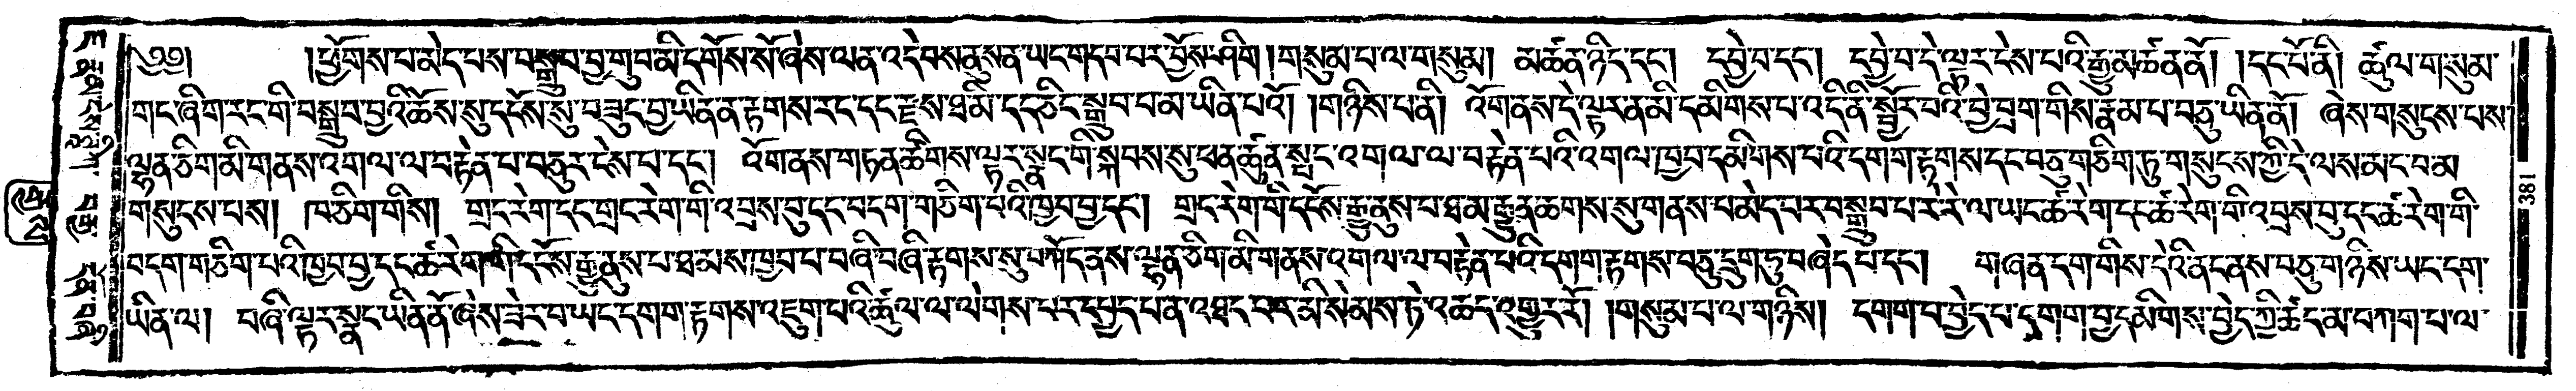༄༅། །ཕྱོགས་པ་མེད་པས་བསྒྲུབ་བྱ་གྲུབ་མི་དགོས་སོ་ཞེས་ལན་འདེབས་ནུས་ན་ཡང་གདབ་པར་བྱོས་ཤིག །གསུམ་པ་ལ་གསུམ། མཚན་ཉིད་དང་། དབྱེ་བ་དང་། དབྱེ་བ་དེ་ལྟར་ངེས་པའི་རྒྱུ་མཚན་ནོ། །དང་པོ་ནི། ཚུལ་གསུམ་
གང་ཞིག་རང་གི་བསྒྲུབ་བྱའི་ཆོས་སུ་དངོས་སུ་བཟུང་བྱ་ཡིན་ན་རྟགས་རང་དང་རྫས་ཐ་མི་དད་ཅིང་སྒྲུབ་པ་མ་ཡིན་པའོ། །གཉིས་པ་ནི། འོག་ནས་དེ་ལྟར་ན་མི་དམིགས་པ་འདི་ནི་སྦྱོར་བའི་བྱེ་བྲག་གིས་རྣམ་པ་བཅུ་ཡིན་ནོ། ཞེས་གསུངས་པས་
ལྷན་ཅིག་མི་གནས་འགལ་ལ་བརྟེན་པ་བཅུར་ངེས་པ་དང་། འོག་ནས་གཏན་ཚིགས་ལྟར་སྣང་གི་སྐབས་སུ་ཕན་ཚུན་སྤང་འགལ་ལ་བརྟེན་པའི་འགལ་ཁྱབ་དམིགས་པའི་དགག་རྟགས་དང་བཅུ་གཅིག་ཏུ་གསུངས་ཀྱི་དེ་ལས་མང་བ་མ་
གསུངས་པས། ཁ་ཅིག་གིས། གྲང་རེག་དང་གྲང་རེག་གི་འབྲས་བུ་དང་བདག་གཅིག་པའི་ཁྱབ་བྱ་དང་། གྲང་རེག་གི་དངོས་རྒྱུ་ནུས་པ་ཐ་མ་རྒྱུན་ཆགས་སུ་གནས་པ་མེད་པར་བསྒྲུབ་པ་རེ་རེ་ལ་ཡང་ཚ་རེག་དང་ཚ་རེག་གི་འབྲས་བུ་དང་ཚ་རེག་གི་
བདག་གཅིག་པའི་ཁྱབ་བྱ་དང་ཚ་རེག་གི་དངོས་རྒྱུ་ནུས་པ་ཐ་མས་ཁྱབ་པ་བཞི་བཞི་རྟགས་སུ་བཀོད་ནས་ལྷན་ཅིག་མི་གནས་འགལ་ལ་བརྟེན་པའི་དགག་རྟགས་བཅུ་དྲུག་ཏུ་བཞེད་པ་དང་། གཞན་དག་གིས་དེའི་ནང་ནས་བཅུ་གཉིས་ཡང་དག་
ཡིན་ལ། བཞི་ལྟར་སྣང་ཡིན་ནོ་ཞེས་ཟེར་བ་ཡང་དགག་རྟགས་འཇུག་པའི་ཚུལ་ལ་ལེགས་པར་དཔྱད་པ་ན་འཐད་པར་མི་སེམས་ཏེ་འཆད་འགྱུར་རོ། །གསུམ་པ་ལ་གཉིས། དགག་པ་བྱེད་པ་དགག་བྱ་དམིགས་བྱེད་ཀྱི་ཚད་མ་བཀག་པ་ལ་